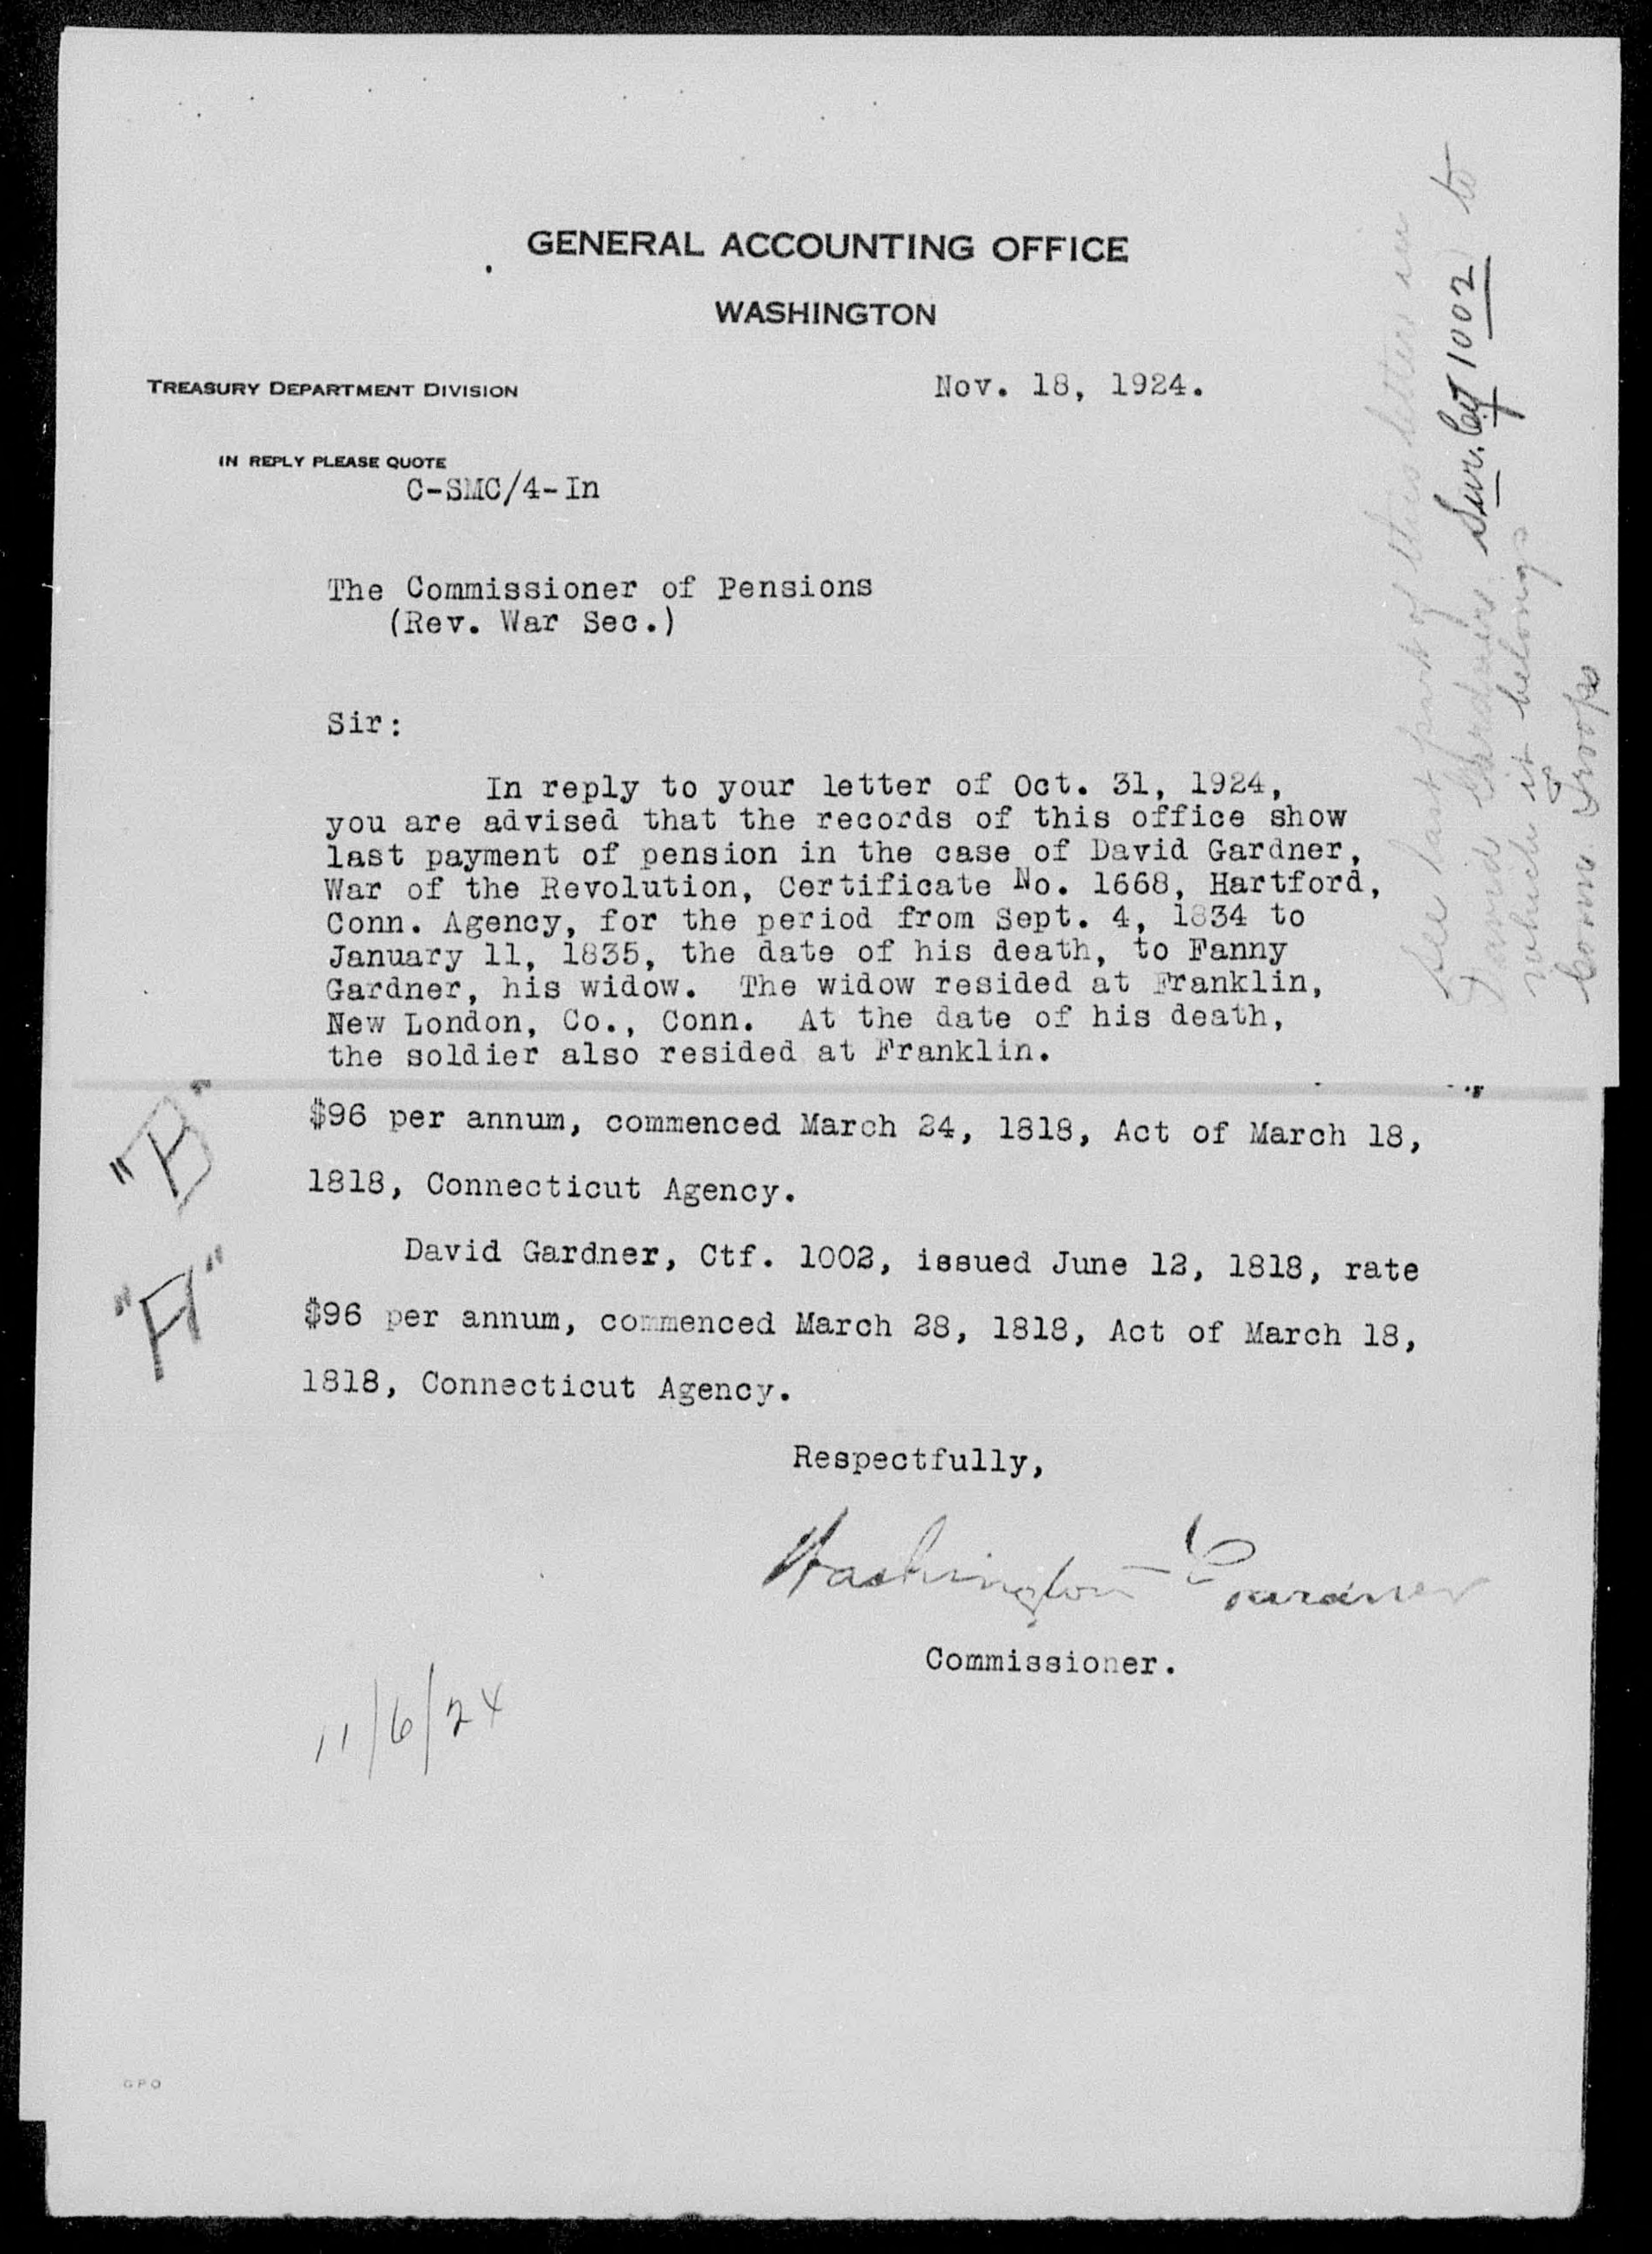[There is a vertical note along the top right of the paper:]

See last part of this letter in David Gardner. Sur. Cet. 1002 [Sur., Cet., and 1002 are underlined] to which it belongs 
Conn. Troops

[There are also two marks that look like "B" and "A" along the bottom left column of the letter]

[Transcription of Letter - top to bottom, left to right - is as follows:]

General Accounting Office
Washington

Treasury Department Division Nov. 18, 1924.
In Reply Please Quote
C-SMC/4 - In

The Commissioner of Pensions
(Rev. War Sec.)

Sir:

In reply to your letter of Oct. 31, 1924, you are advised that the records of this office show last payment of pension in the case of David Gardner, War of the Revolution, Certificate No. 1668, Hartford, Conn. Agency, for the period from Sept. 4, 1834 to January 11, 1835, the date of his death, to Fanny Gardner, his widow. The Widow resided at Franklin, New London, Co., Conn. At the date of his Death, the soldier also resided at Franklin.

$96 per annum, commenced March 24, 1818, Act of March 18, 1818, Connecticut Agency.

David Gardner, Ctf. 1002, issued June 12, 1818, rate $96 per annum, commenced March 28, 1818, Act of March 18, 1818, Connecticut Agency. 

Respectfully,

Washington - Gardner 

Commissioner.

11/6/24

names: David Gardner, Fanny Gardner, David Gardner, Washington Gardner, David Gardner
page: 46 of 66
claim: widow's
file: W 1850, David Gardner, Conn.